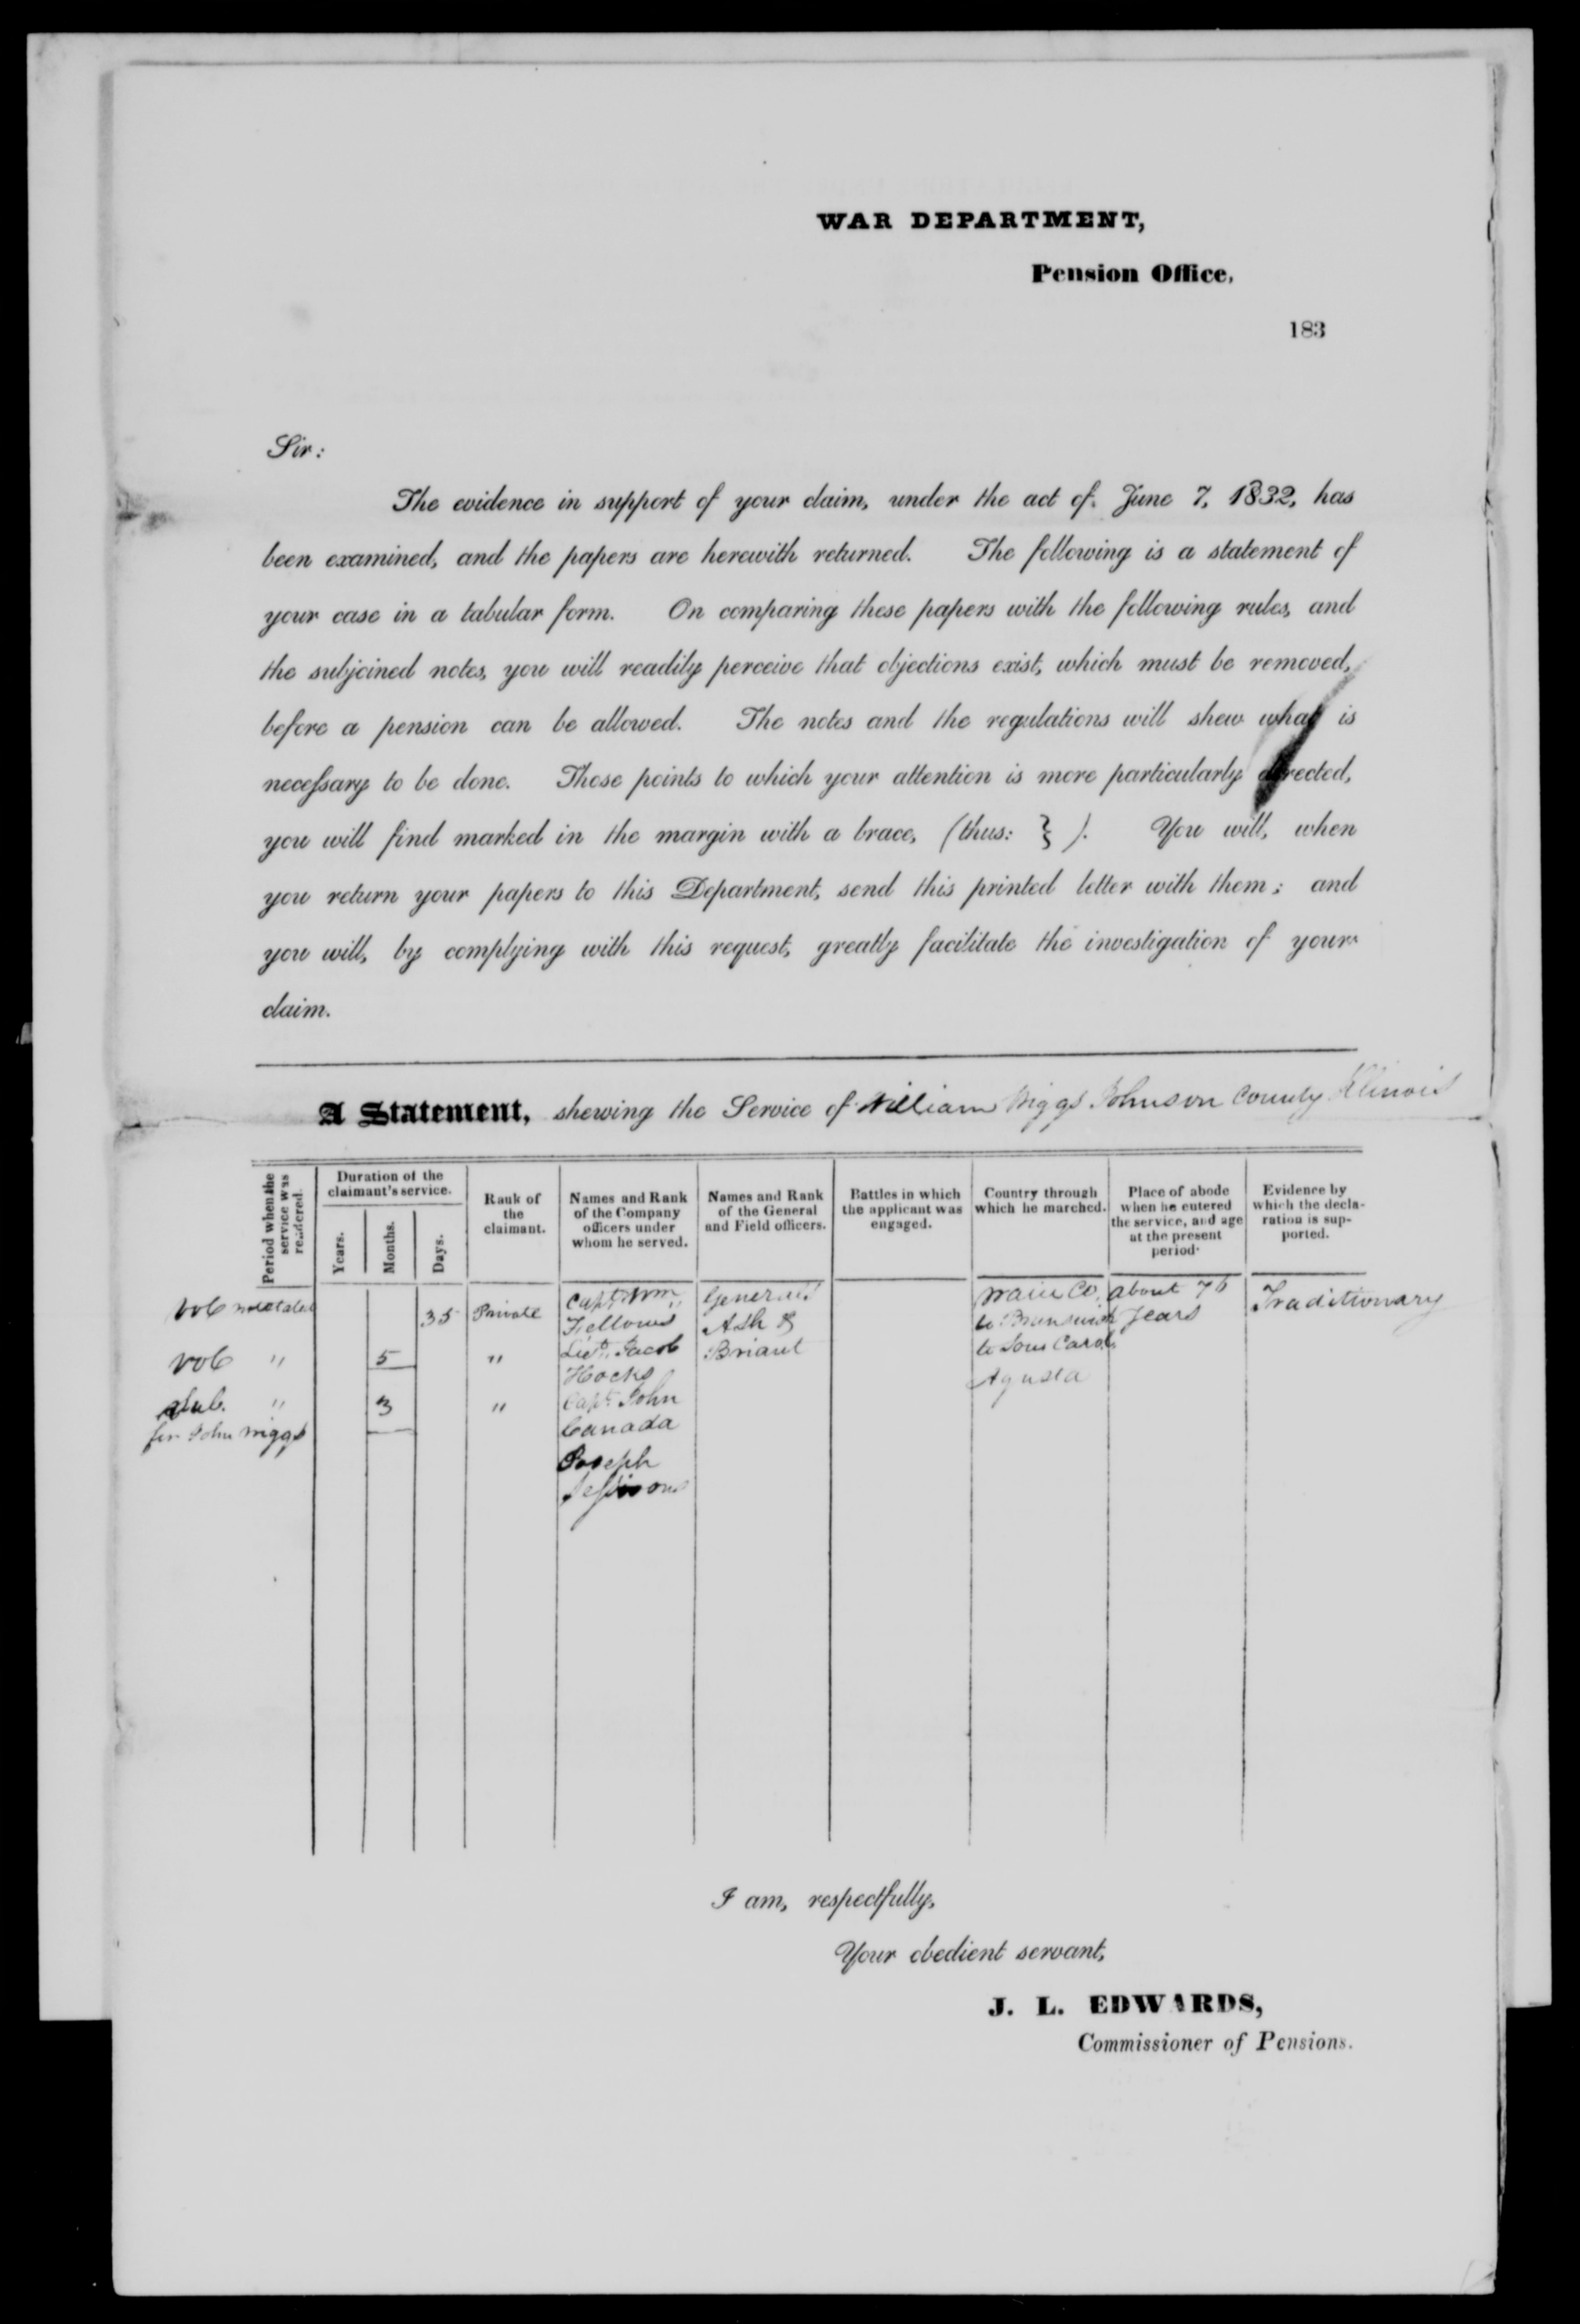WAR DEPARTMENT, 

 Pension Office, 

183 

Sir: 

The evidence in support of your claim, under the act of June 7, 1832, has been examined, and the papers are herewith returned. The following is a statement of your case in a tabular form. On comparing these papers with the following rules, and the subjoined notes, you will readily perceive that objections exist, which must be removed, before a pension can be allowed. The notes and the regulations will shew what is necessary to be done. These points to which your attention is more particularly directed, you will find marked in the margin with a brace, (thus: }). You will, when you return your papers to this Department, send this printed letter with them; and you will, by complying with this request, greatly facilitate the investigation of your claim. 

A statement, shewing the service of William Wiggs Johnson County Illinois 

Period when the service was rendered. | Duration of the claimant’s service. | Rank of the claimant. | Names and Rank of the Company officers under whom he served. | Names and Rank of the General and Field officers. | Battles in which the applicant was engaged. | Country through which he marched. | Place of abode when he entered the service, and age at the present period. | Evidence by which the declaration is supported. 

Years. | Months. | Days. 

Vol. Not stated Vol “ 

Sub. “ 

for John Wiggs | | 5 

3 | 35 | Private 

“ 

“ | 

Capt Wm Fellows 

Liet Jacob Hocks 

Capt John Canada 

Joseph [illegible] | Generals Ash & Briant | |Main Co to Brunswick to South Carol. Agusta | About 76 years | Traditionary 

I am, respectfully, 

Your obedient servant, 

J. L. EDWARDS, 

Commissioner of Pensions.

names: J L Edwards, Ash, Wm Fellows, John Canada, William Wiggs, Jacob Hocks, Joseph Sessions, Briant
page: 5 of 31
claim: survivor's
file: S. 32608, William Wiggs, N.C.